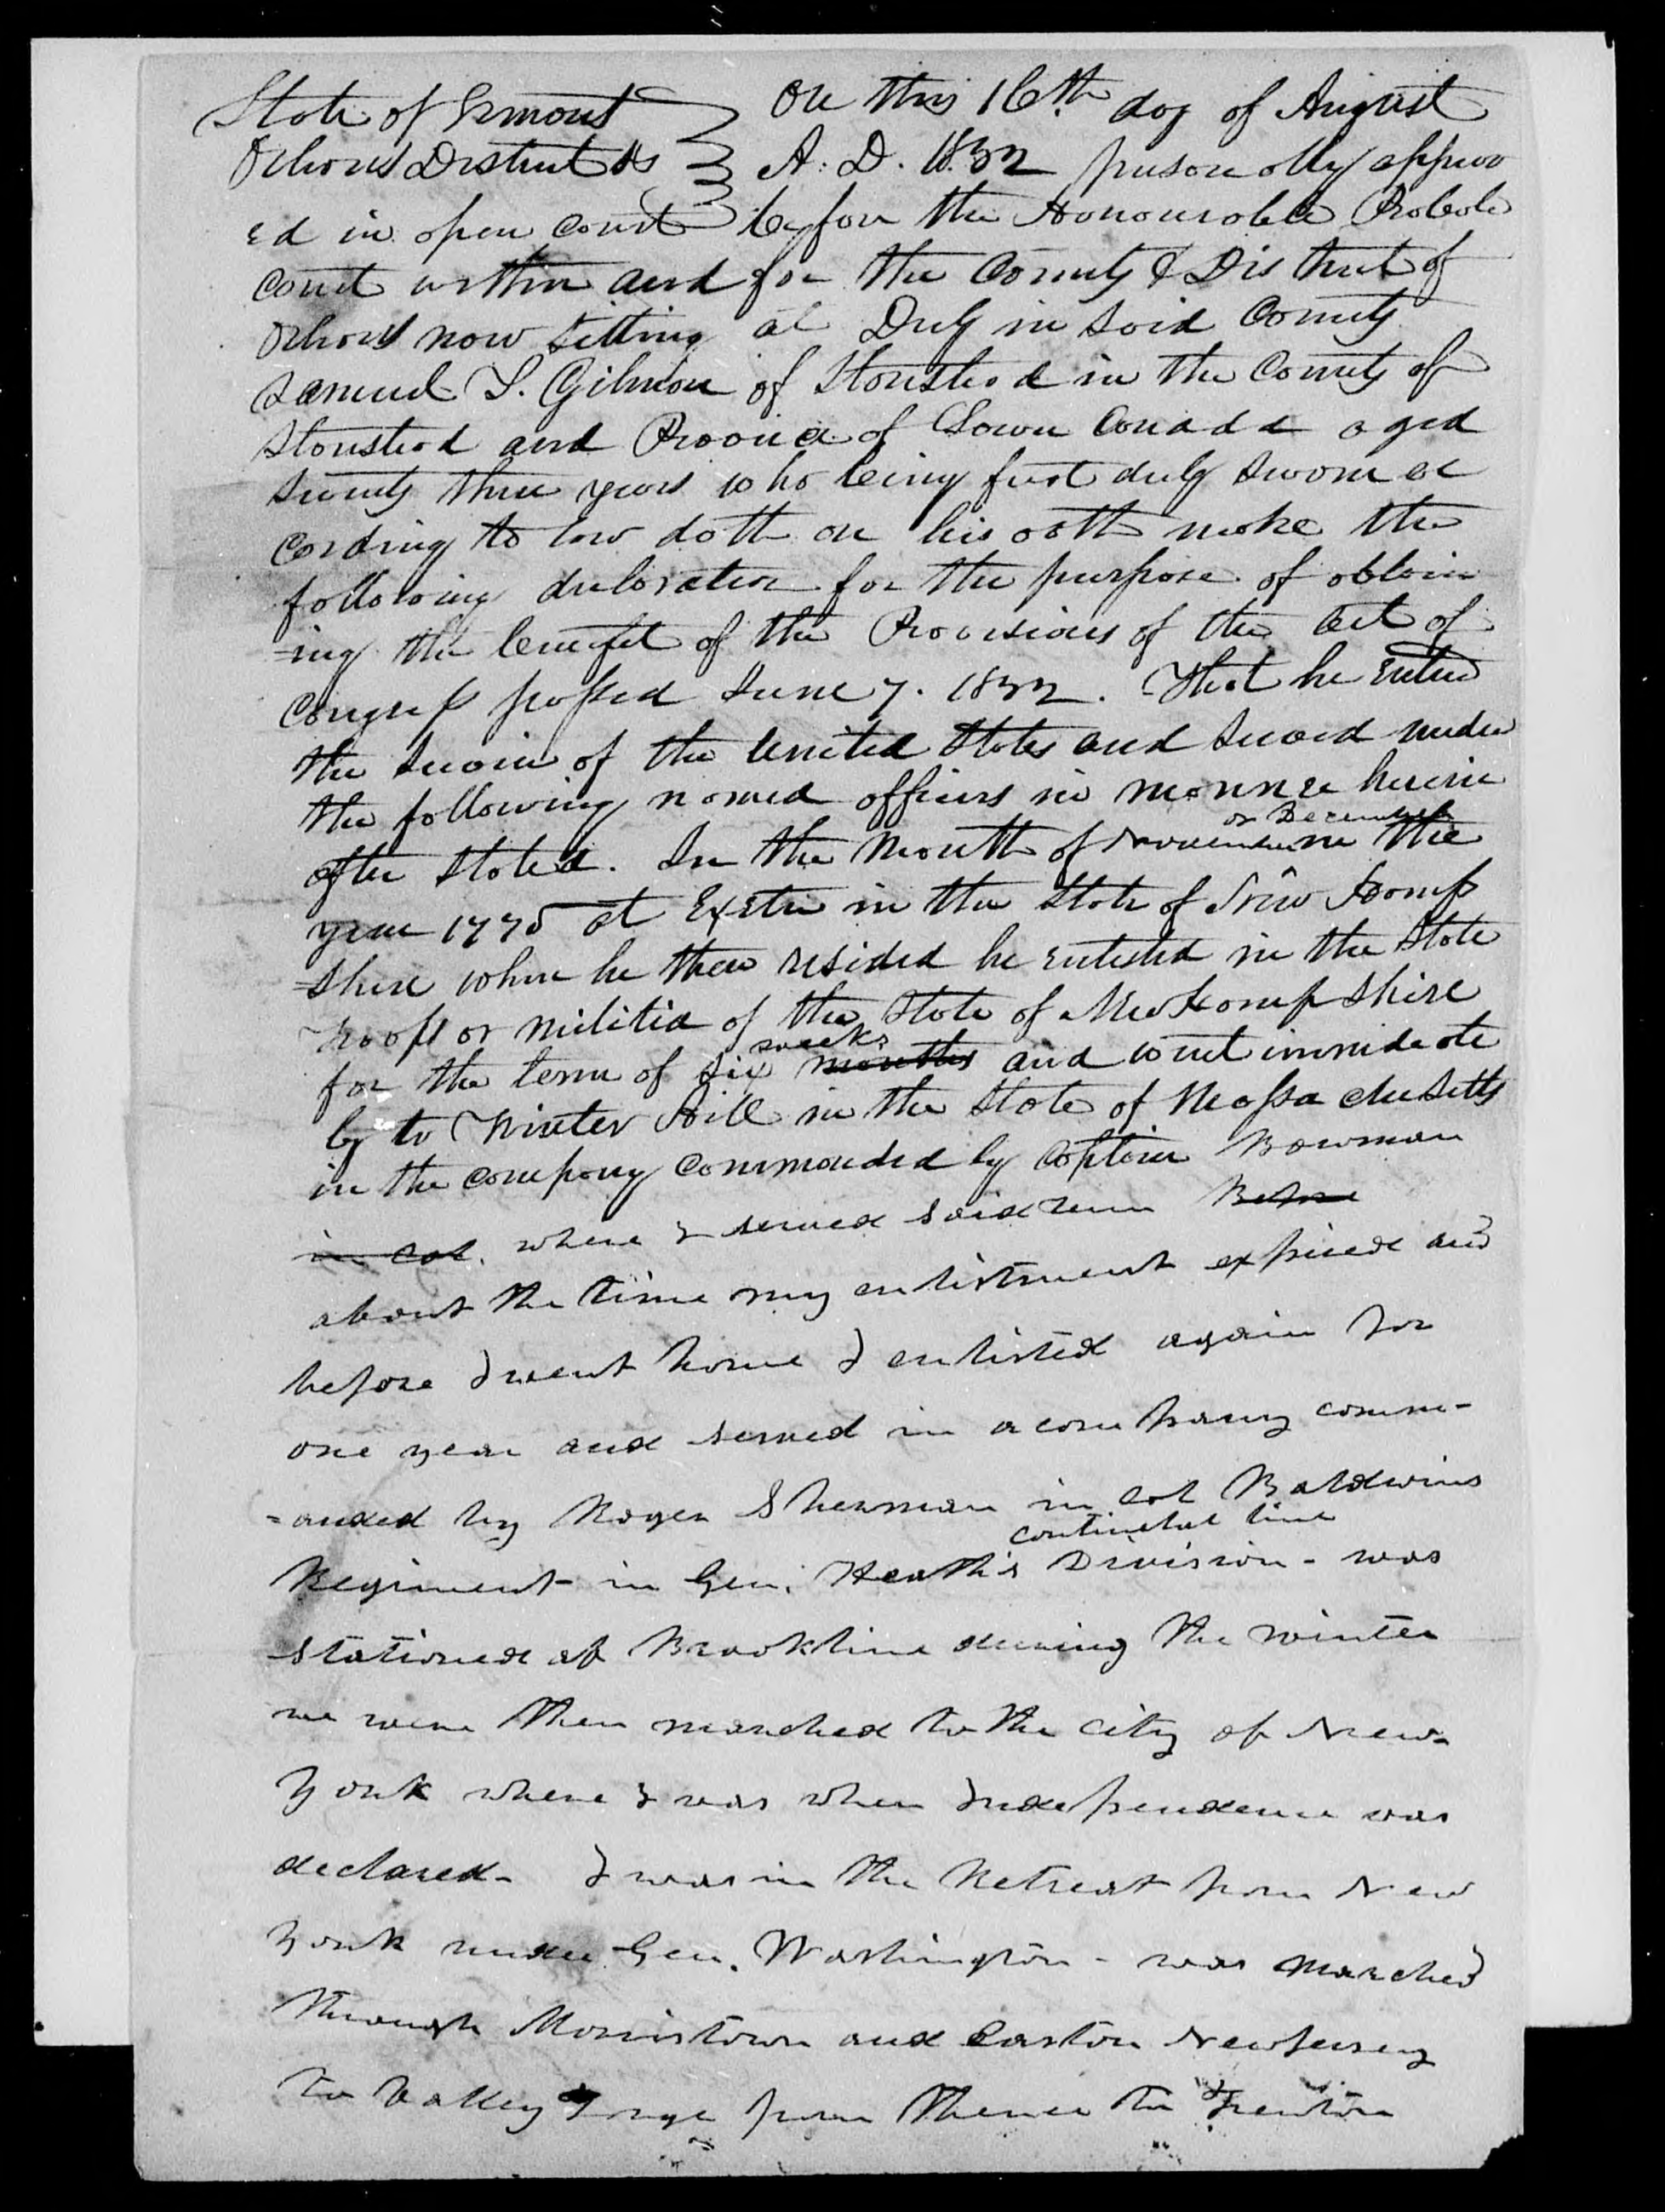State of Vermont
Orleans District ss }
On the 16th day of August A.D. 1832 personally appeared in open court before the Honourable Probate Court within and for the County & District of Orleans now setting at July in said County Samuel T. Gilman of Stanstead in the County of Stanstead and Province of Lower Canada aged seventy three years who being first duly sworn according to law doth on his oath make the following declaration for the purpose of obtaining the benefit of the Provisions of the Act of Congress passed June 7 1832. That he entered the service of the United States and served under the following named officers in manner herein after stated. In the Month of November of December the year 1775 at Exeter in the State of New Hampshire, where he then resided he entered in the State troop or militia of the State of New Hampshire for the term of six weeks and went immediately to Winter Hill in the State of Massachusetts in the company commanded by Captain Bowman where he served said term Before [crossed out] about the time my enlistment expired and before I went home I enlisted again for one year and served in a company commanded by Roger Sherman in Col Baldwins Regiment in Gen Heath's continental line Division - was stationed at Brookline during the winter we were then marched to the city of New York where I was when Independence was declared. I was in the Retreat from New York under Gen. Washington - was marched through Morristown and [illeg] New Jersey to Valley Forge from there [illeg]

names: Samuel T Gilman, Roger Sherman, Washington, Bowman, Heath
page: 10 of 61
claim: widow's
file: W. 19500, Samuel Thing Gilman, Continental N.H.